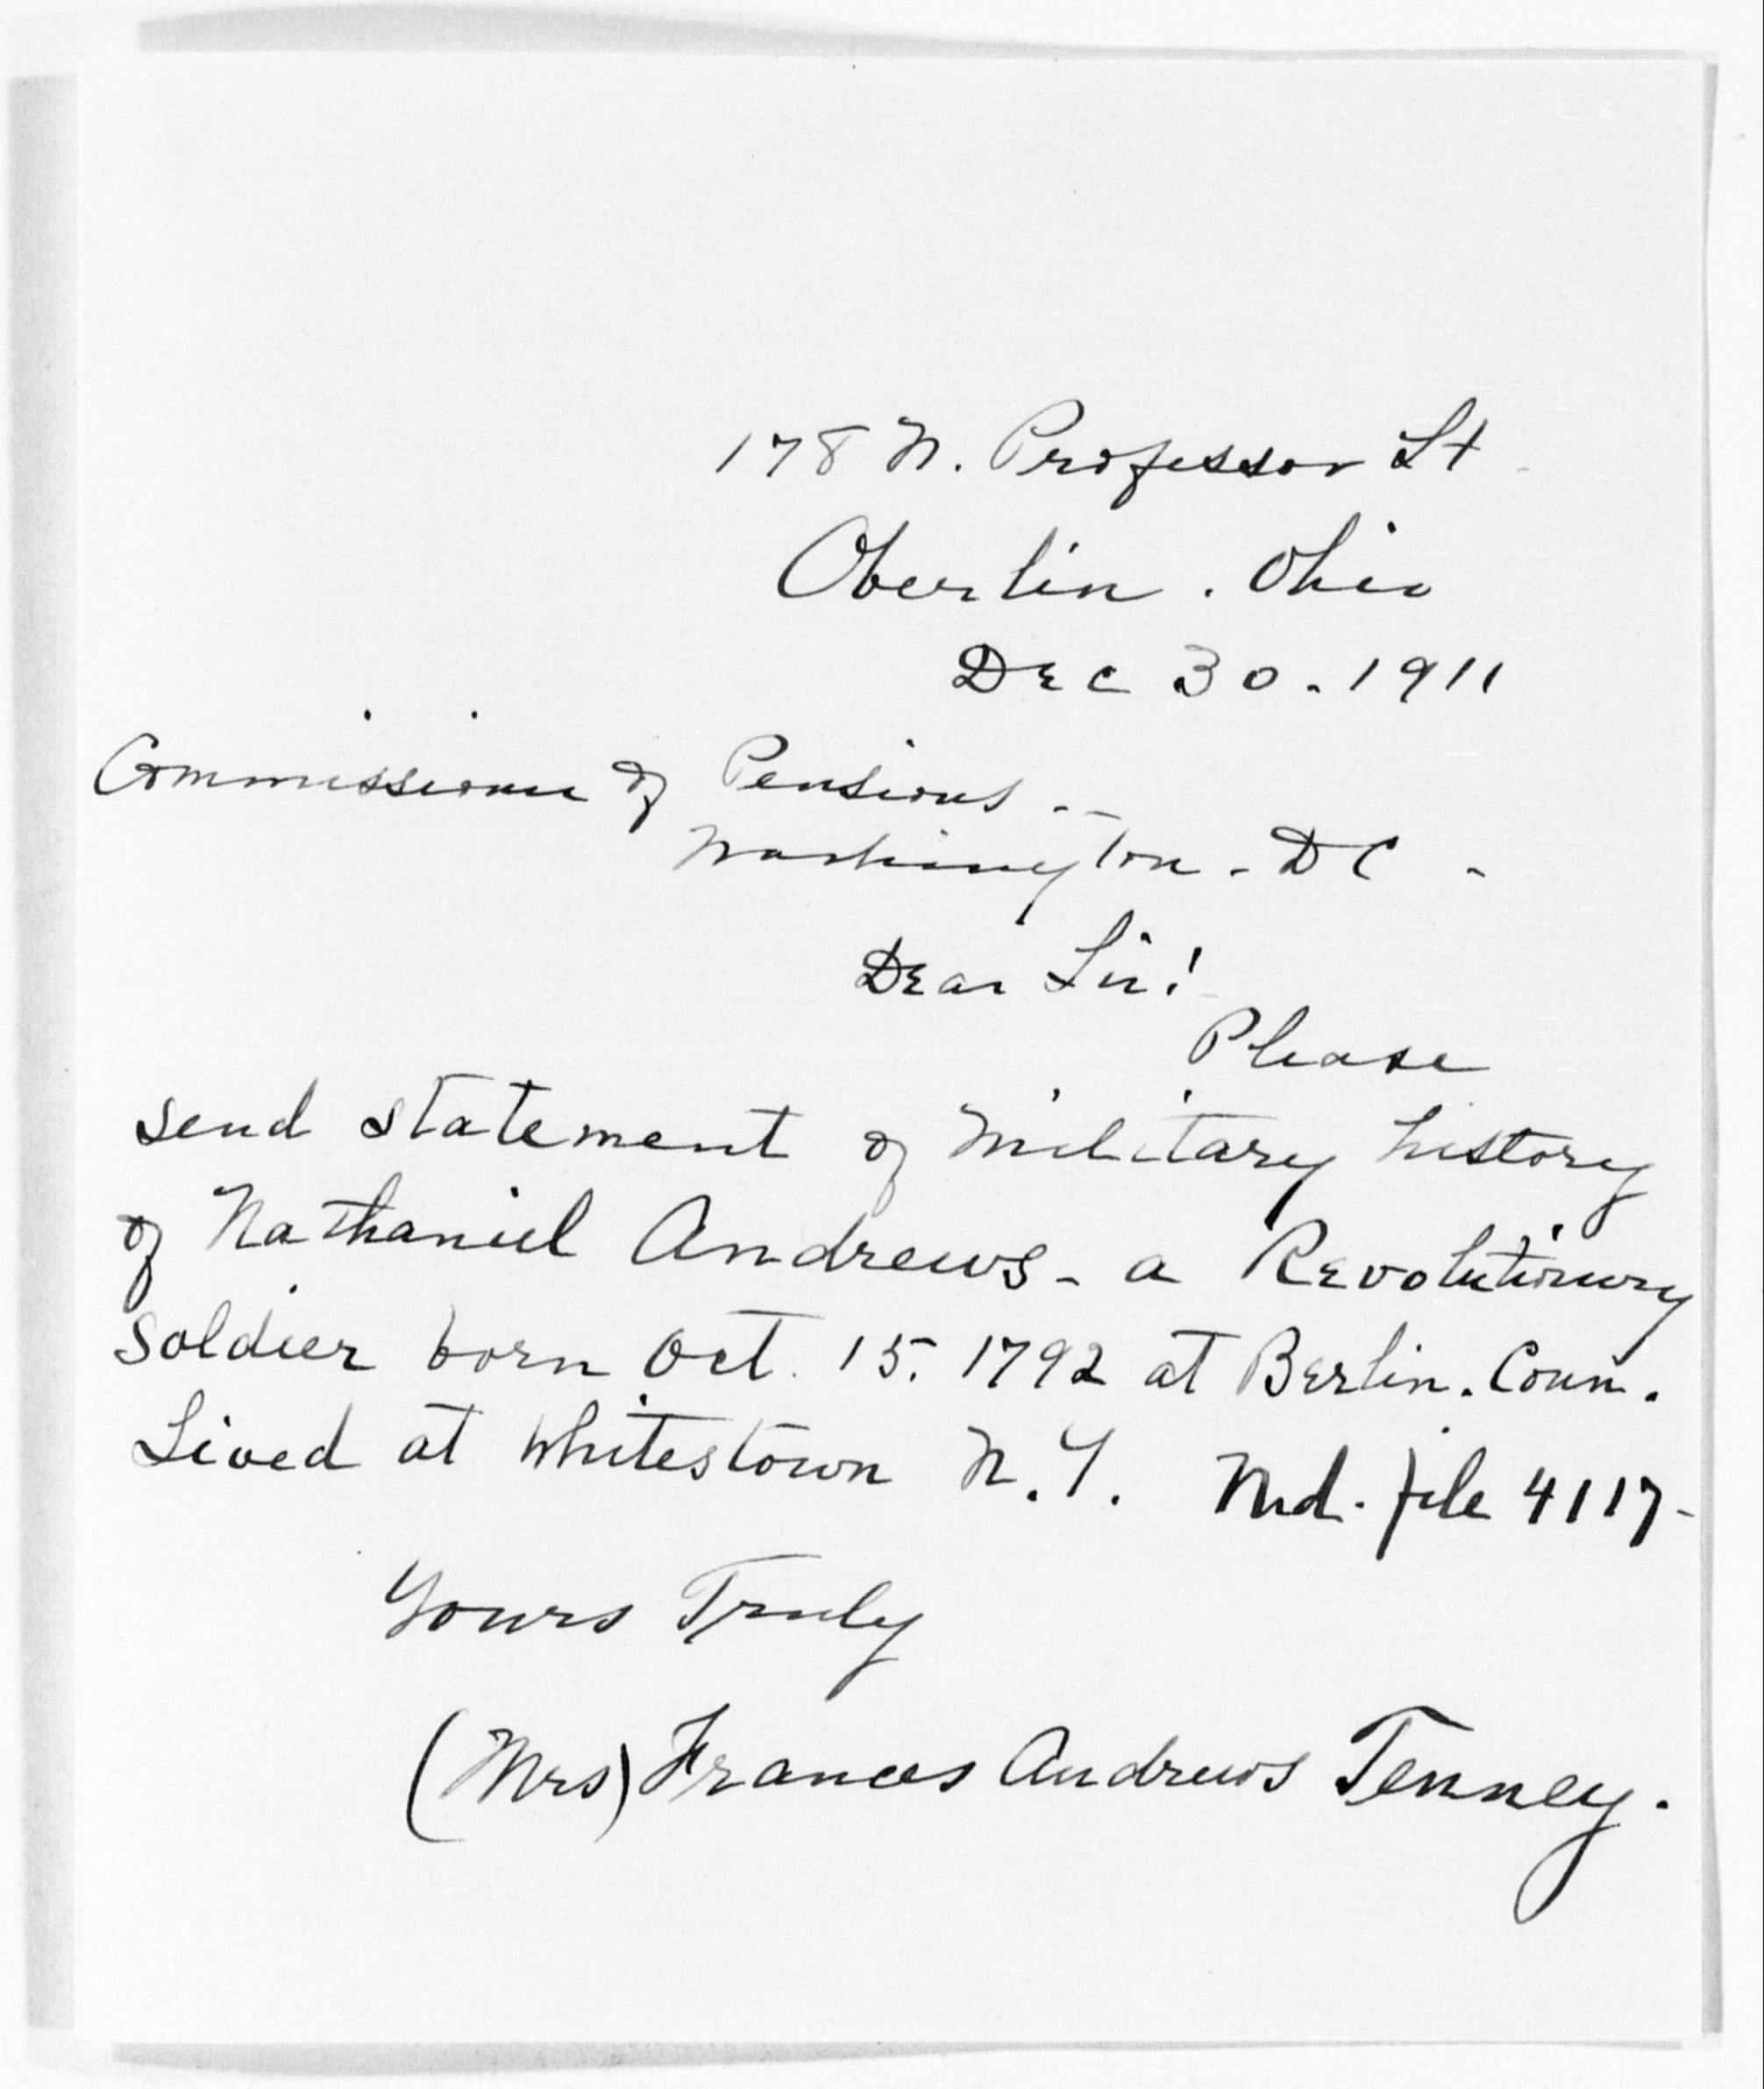178 N. Professor St
Oberlin, Ohio
Dec 30, 1911
Commissioner of Pensions
Washington DC
Dear Sir
Please
send statement of Military history
of Nathaniel Andrews a Revolutionary
Soldier born Oct. 15, 1792 at Berlin, Conn
lived at Whitestown N.Y. Wid. File 4117
Yours Truly
(Mrs) Frances Andrews Tenney
●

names: Frances Andrews Tenney, Nathaniel Andrews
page: 68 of 78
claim: widow's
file: W. 4117, Nathaniel Bradley, Conn.